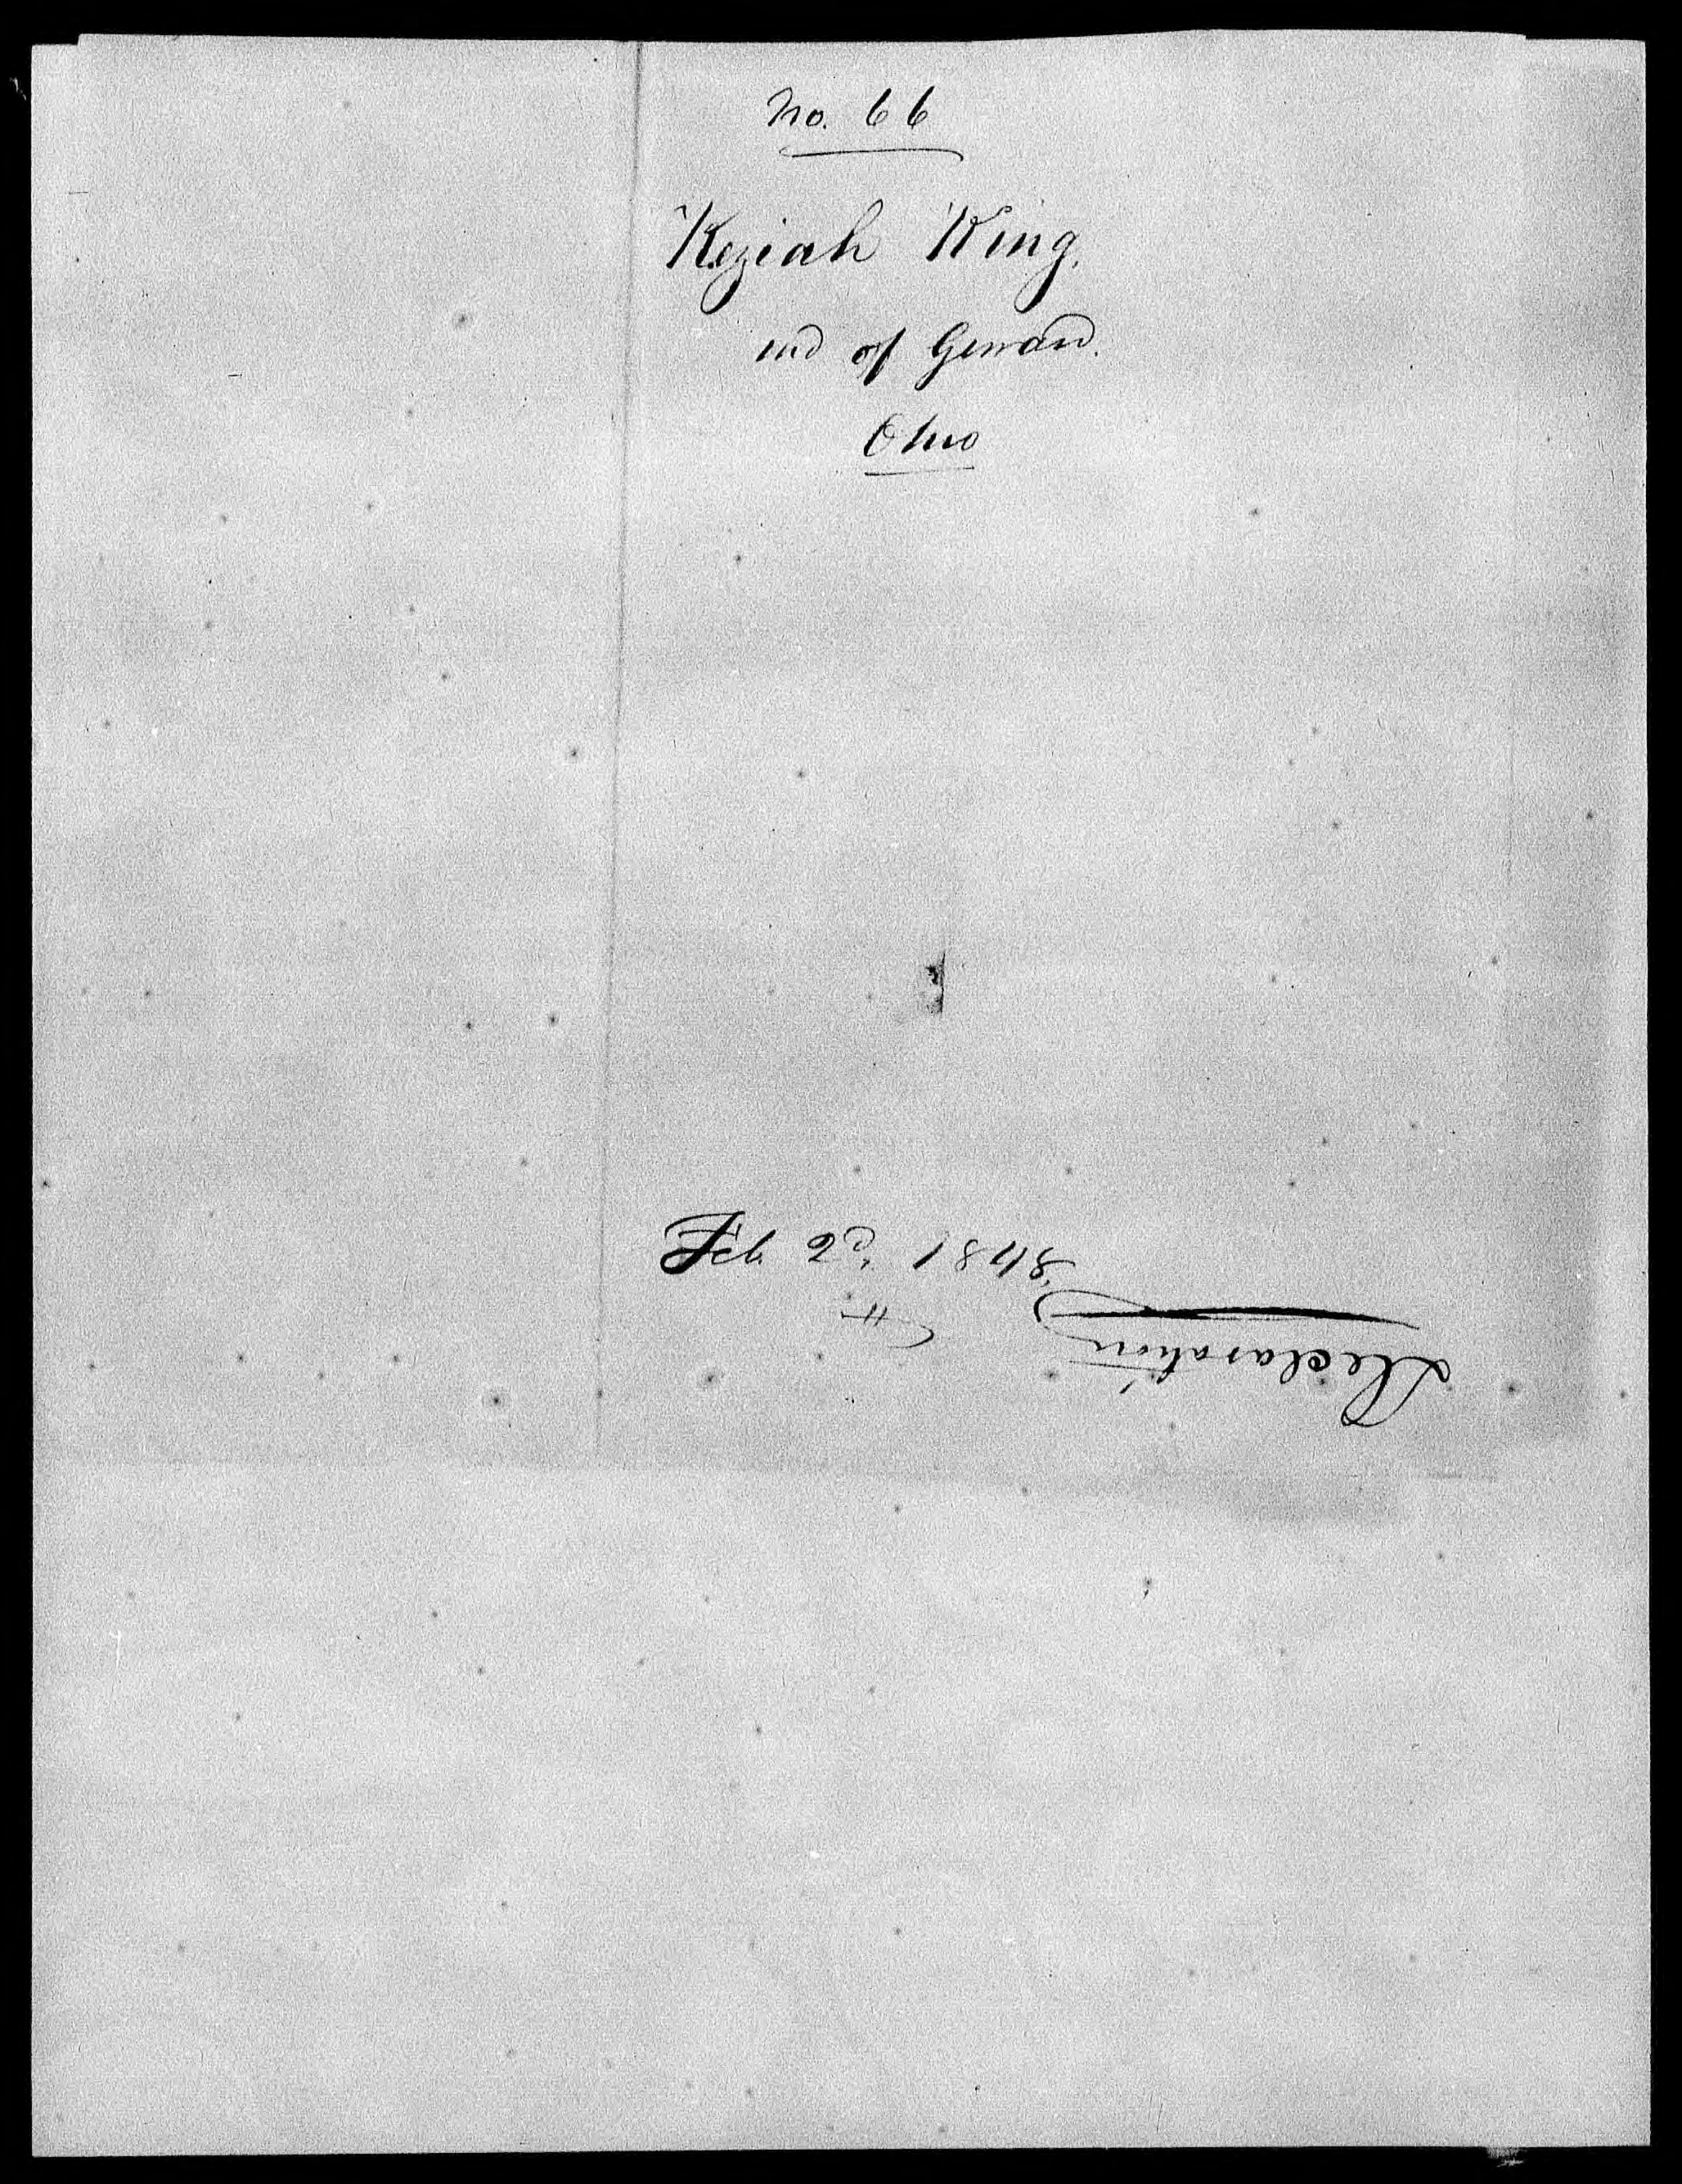No. 66

Kesiah King

wid of Gerrard

Ohio

Feb 20, 1848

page: 5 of 45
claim: widow's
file: W. 7984, for Gerrard King, Virginia